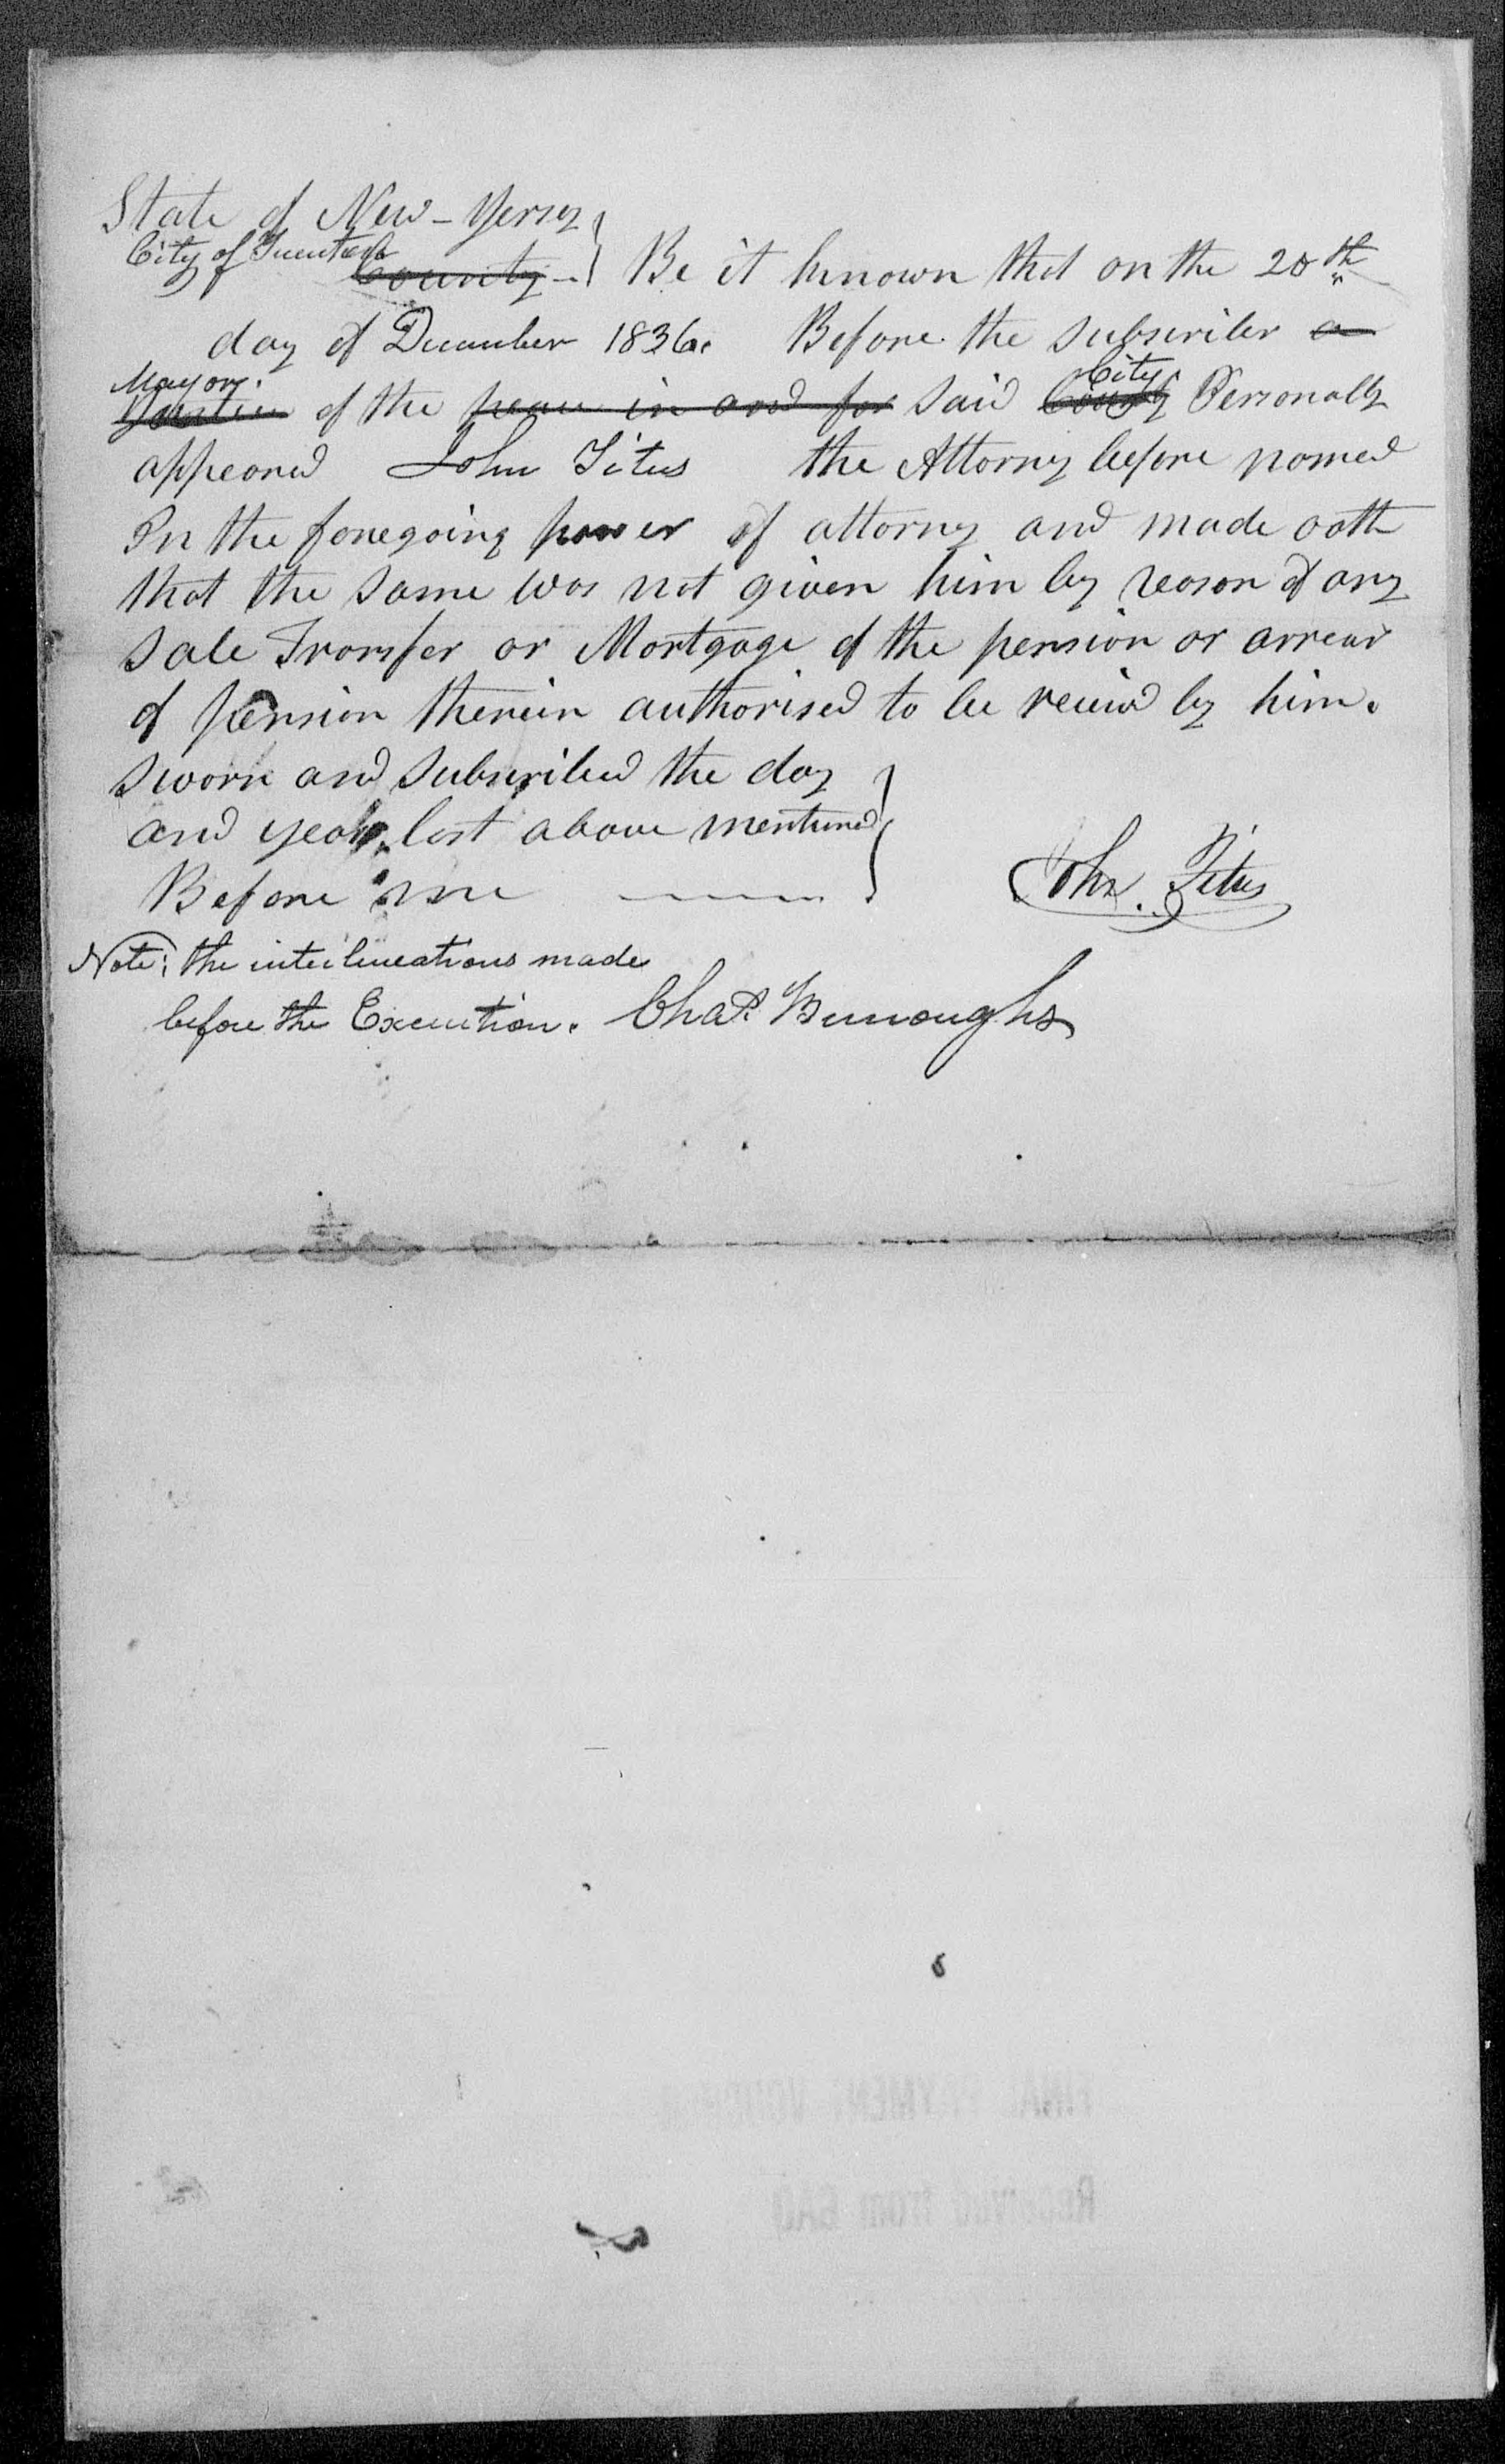State of New Jersey City of Trenton
Be it known that on the 20th 
day of December 1836. Before the subscriber [a justice - crossed out] 
Mayor of the said City personally appeared John Titus the Attorney before named in the foregoing power of attorney and made oath that the same was not given him by reason of any Sale Transfer or Mortgage of the pension or arrears of pension therein authorized to be received by him. 
 Sworn and subscribed the day and year last above mentioned
 Before me    John Titus
Note: the interlineations made before the Execution.  Chas Burroughs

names: John Titus, Chas Burroughs, John Titus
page: 18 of 52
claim: survivor's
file: S. 34172, Morris D Camp, Continental (New Jersey)